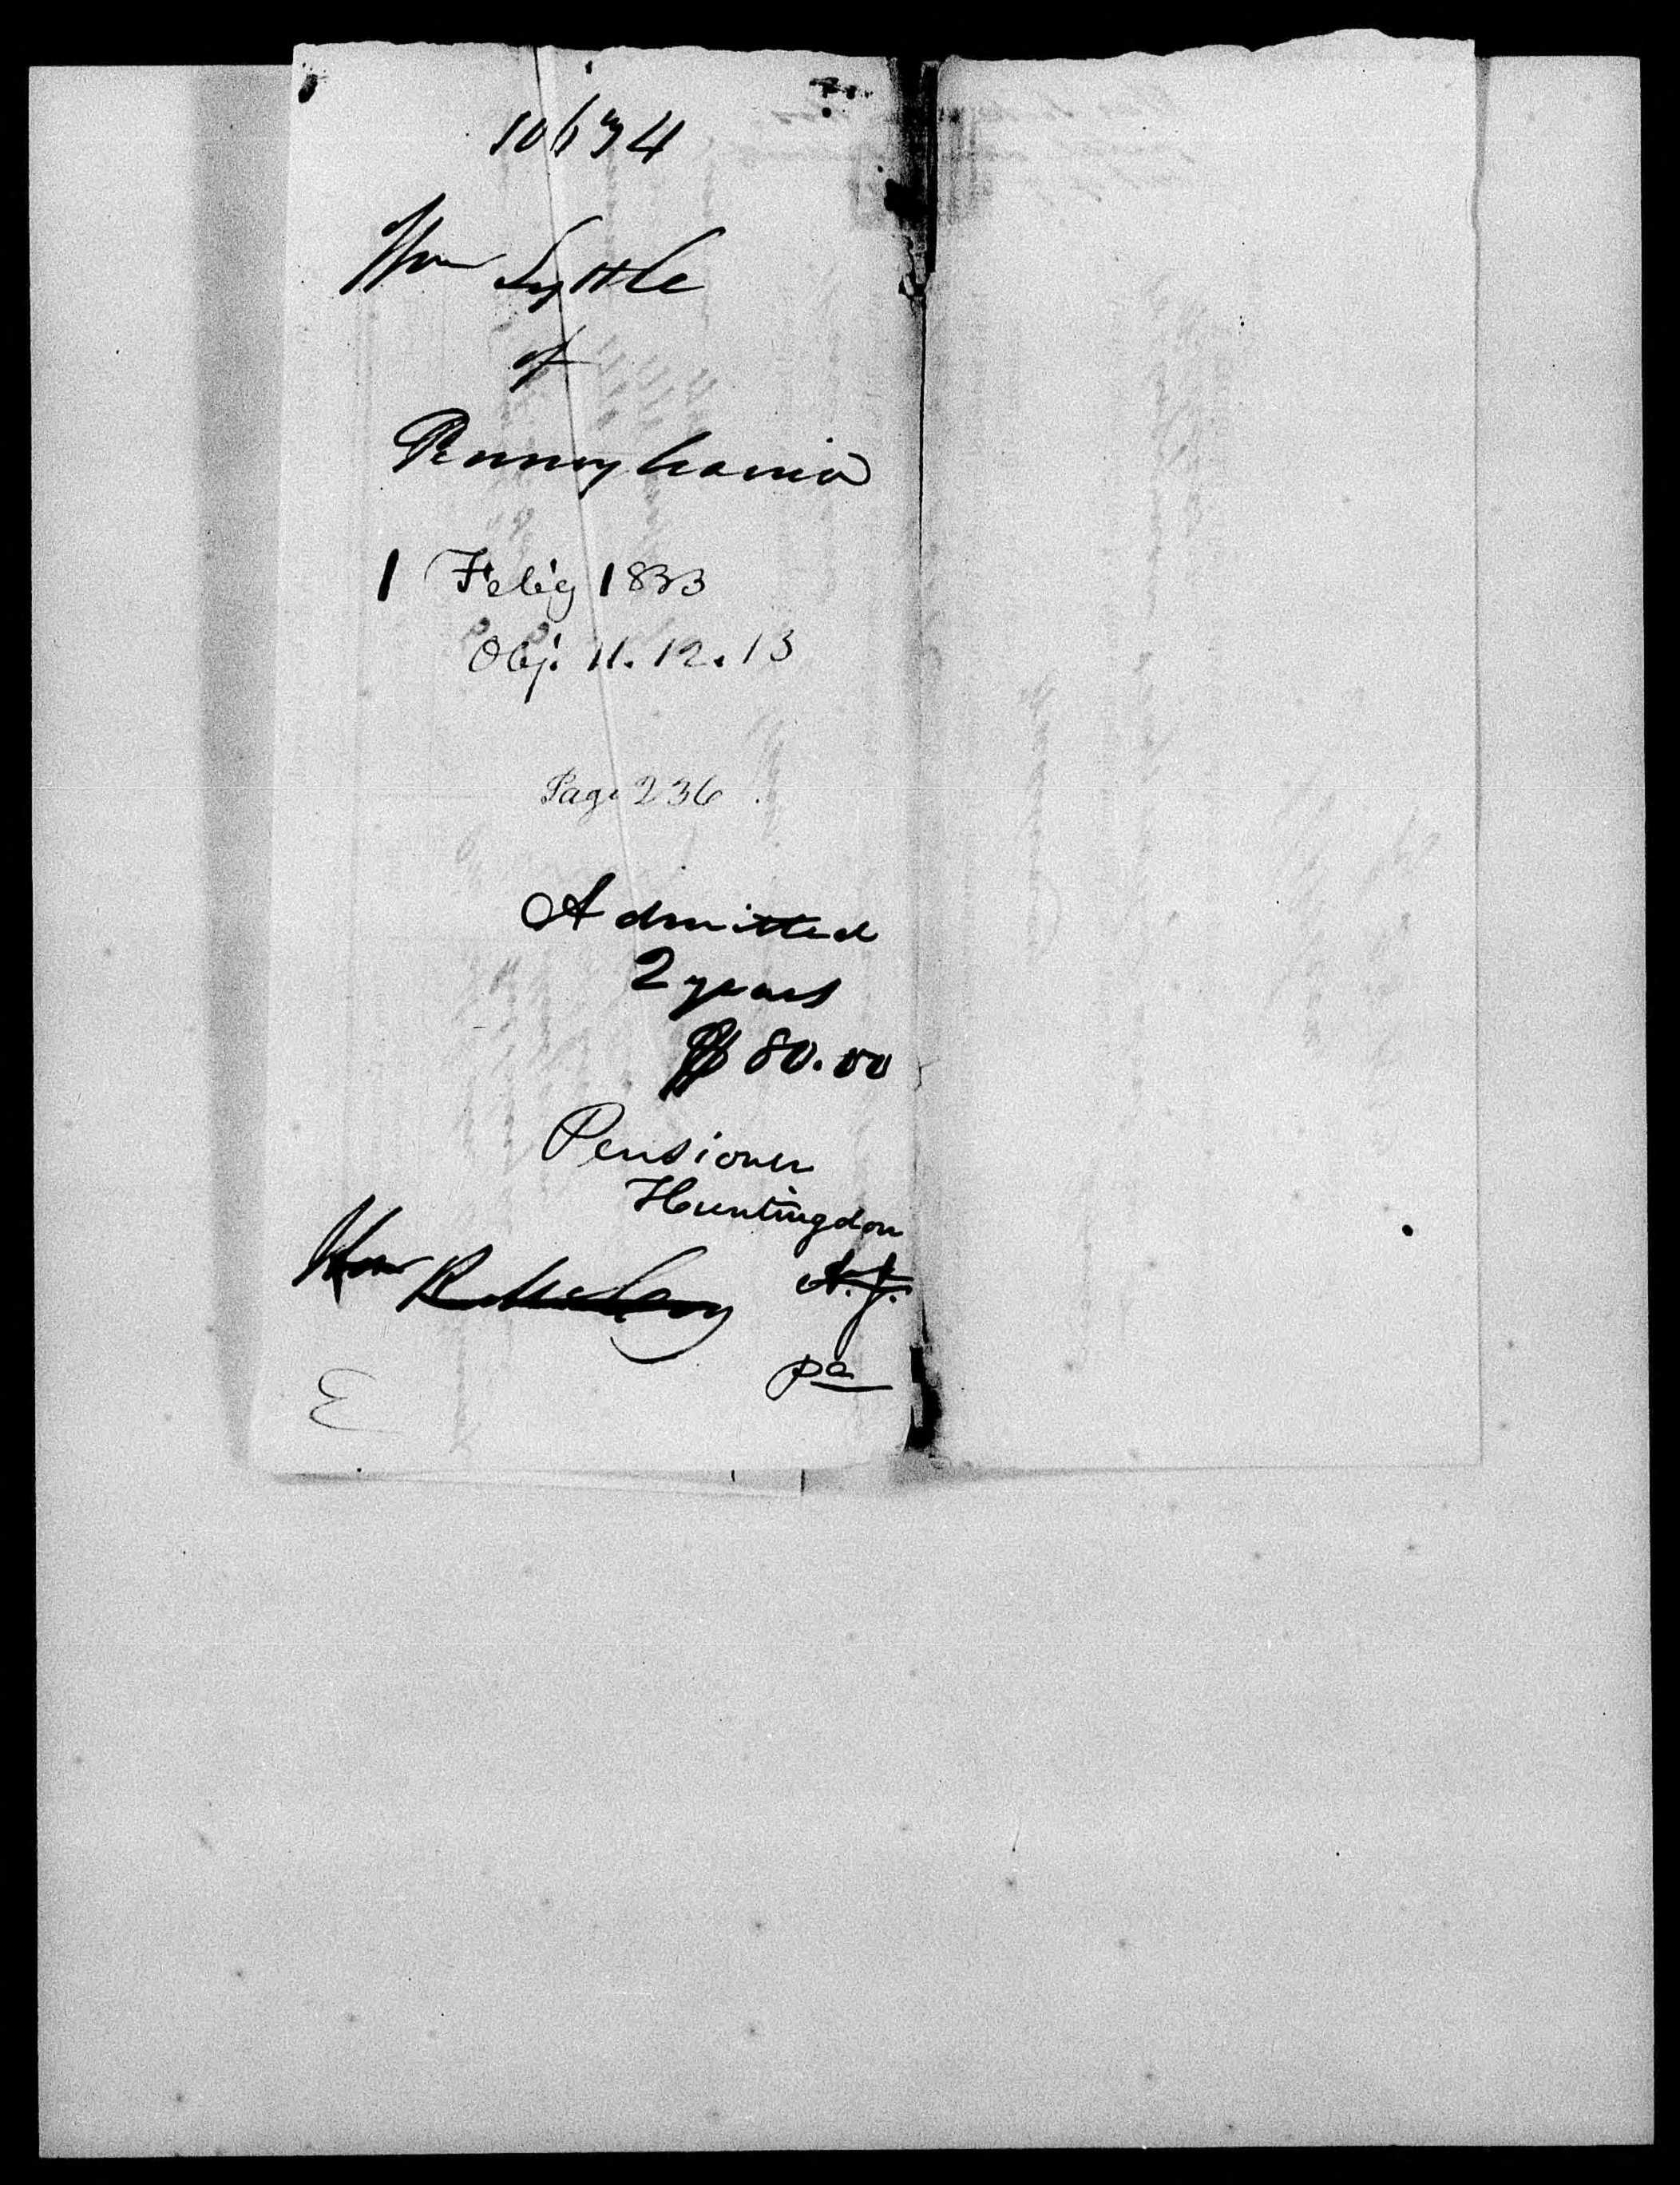10634
Wm. Lyttle
of Pennsylvania

1 Feby 1833
Obj: 11. 12. 13

Page 236
Admitted
2 years
$80.00
Pensioner
Huntingdon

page: 3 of 24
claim: survivor's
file: S. 13810, for William Lytle, New York